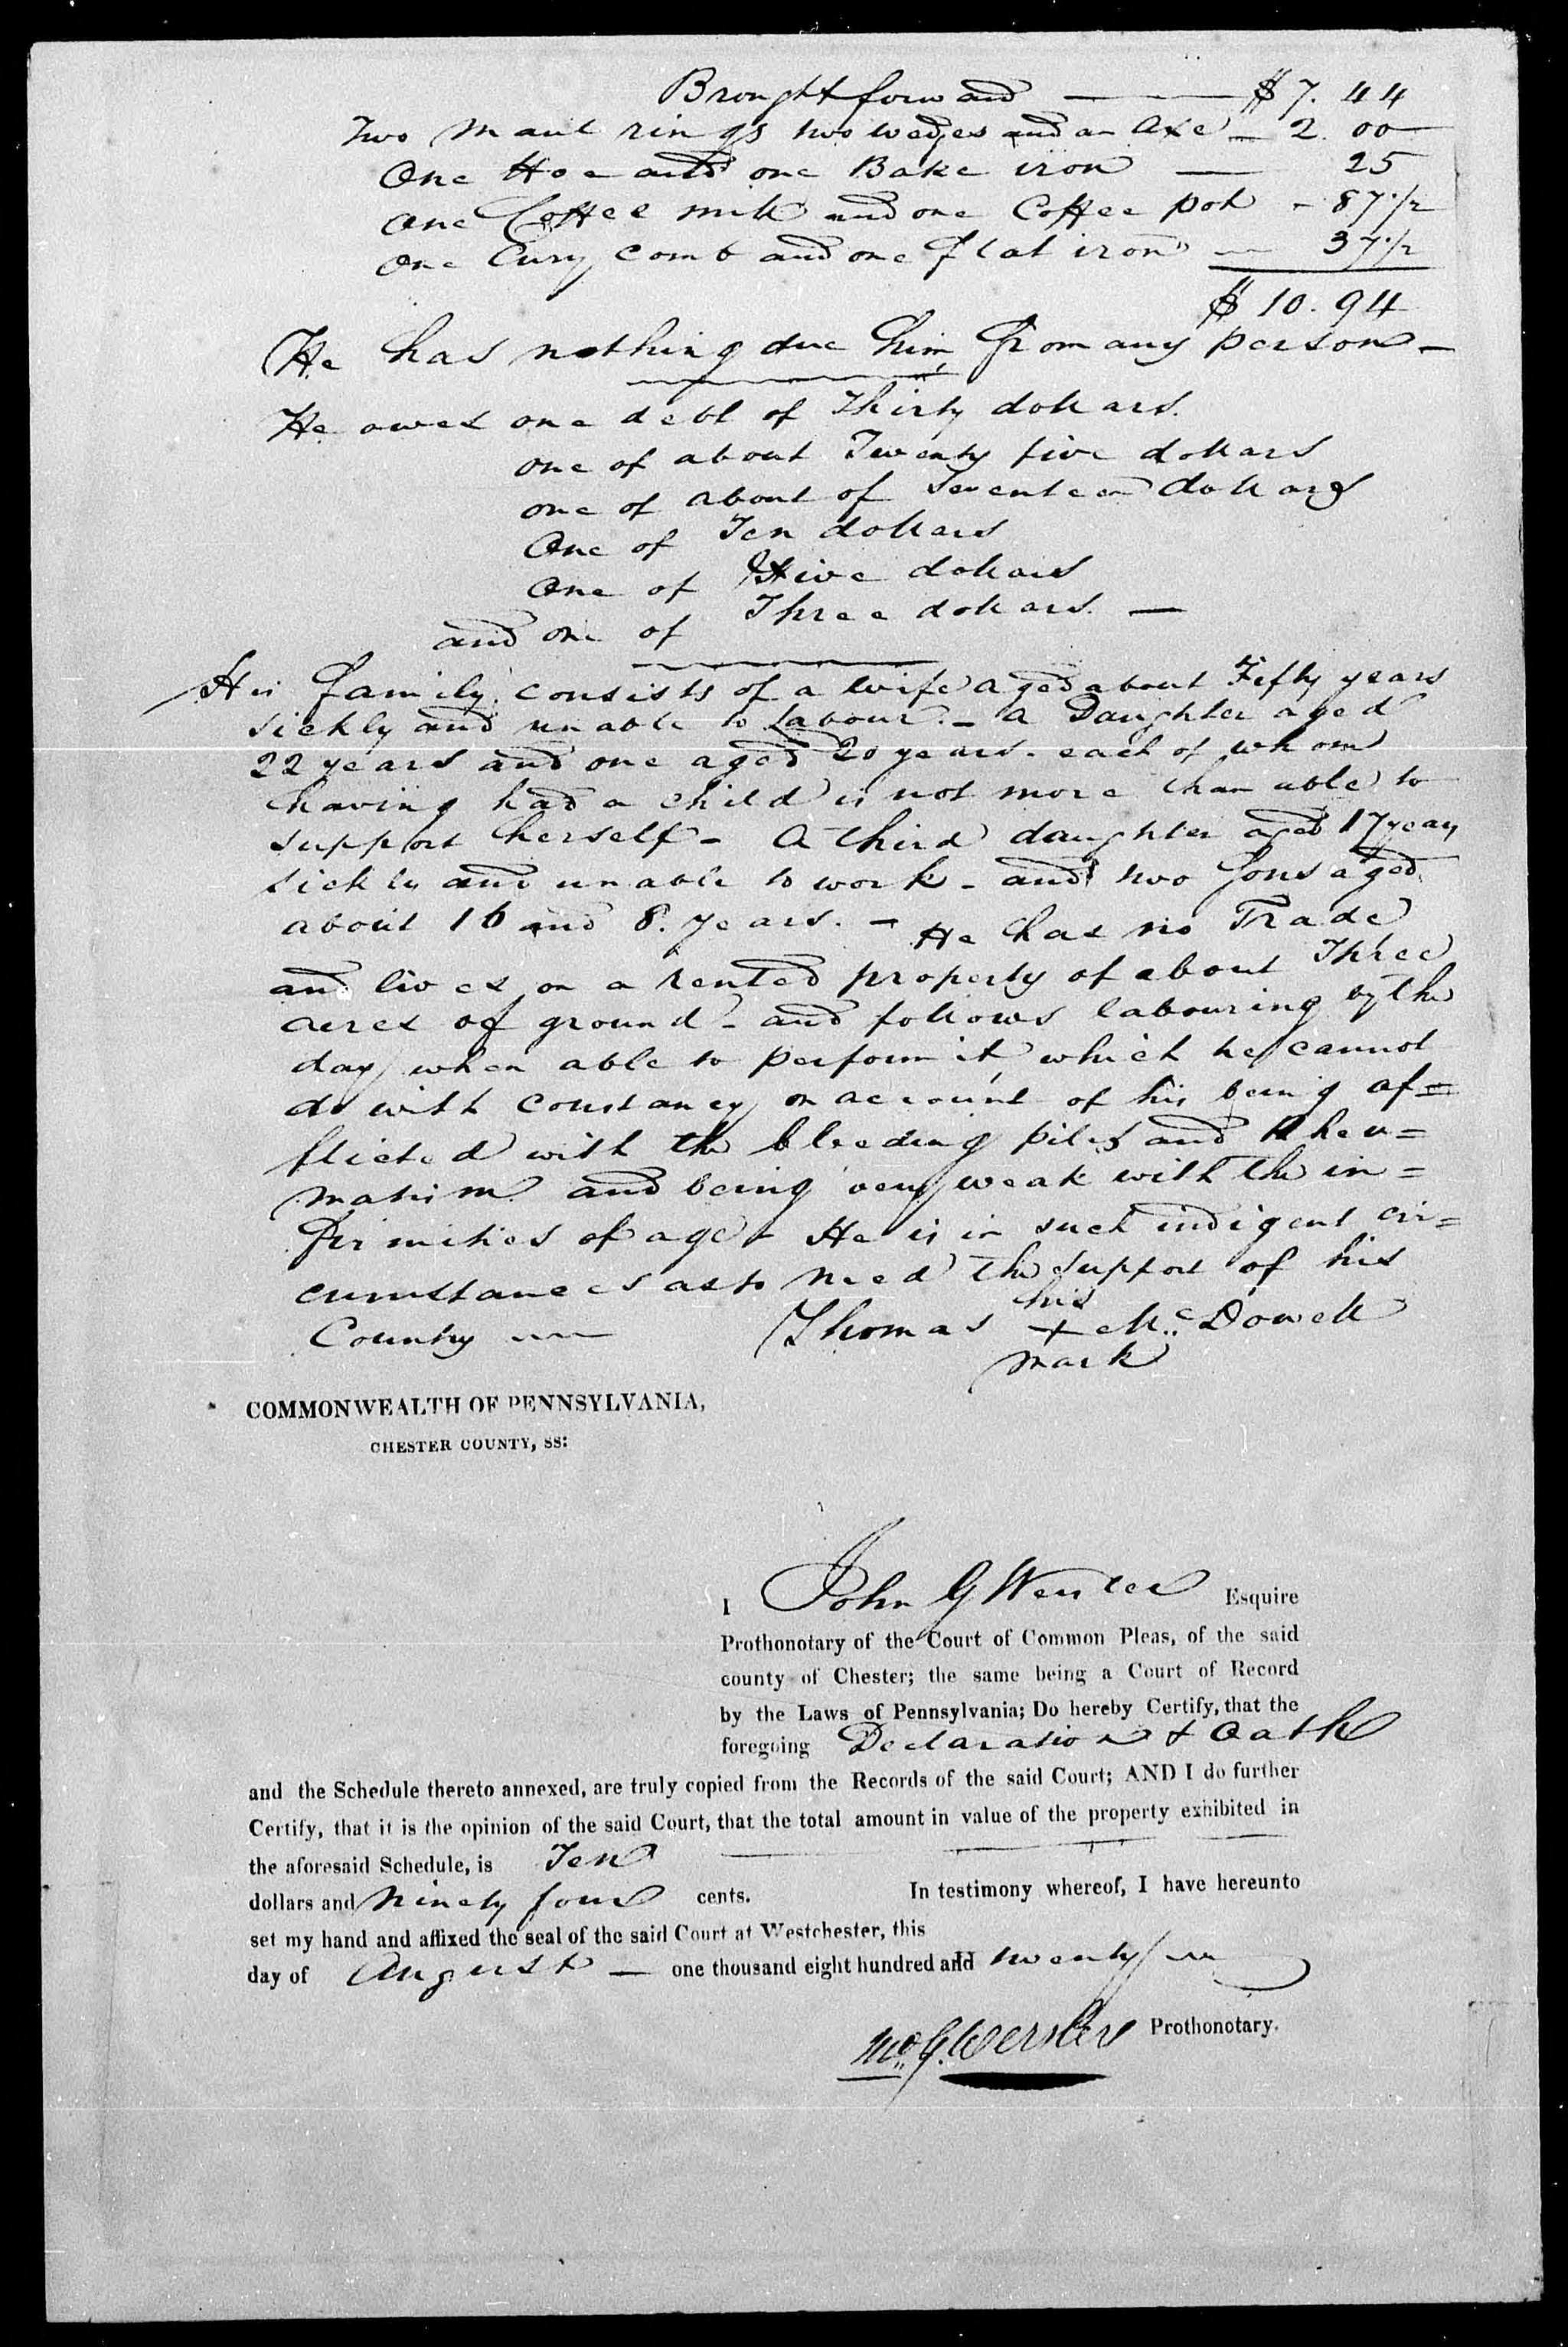Brought Forward $7.44
Twon Maul rings, two wedges and an axe - $2.00
one Hoe and one bake iron - $0.25
One Coffee mill and one coffee pot - $0.875
One curry comb and one flat iron - $0.375

Total $10.94

He has nothing due him from any person.
He owed one debt of thirty dollars
one of about twenty five dollars
one of ten dolars
one of five dollars
and one of three dollars

His family consists of a wife aged about fifty years, sickly and unable to labour (labor) - a daughter aged 22 years and one aged 20 years each of whom having had a child is not more [illegible] to support herself - a third daughter aged 17 years sickly and unable to work - and two sons aged about 16 and 8 years.

He has no trade and lives on a rented property of about three acres of ground - and follows labouring (laboring) of the day when able to perform it which he cannot do with constancy on account of his being afflicted with the bleeding piles and the making and being very weak with the infirmities of age. He is in such indigent circumstances as to need the support of his country .

Thomas McDowell
His X Mark

Commonwealth of Pennsylvania
Chester County, ss:

I John G Wersler Esquire Prothonotary of the court of Common Pleas of the said county of Chester; the same being a court of record by the laws of Pennsylvania; do hereby certify that the foregoing declaration & oath and the schedule thereto annexed are truly copied from the records of the said court and I do further certify that it is the opinion of the said court that the total amount in value of the property exhibited in the aforesaid schedule is ten dollars and ninety four cents. In testimony whereof I have hereunto set my hand and affixed the seal of the said court at Westchester this blank day of August one thousand eight hundred and twenty.

Jno G Wersler - Prothonotary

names: John G Wersler; Thomas Mc Dowell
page: 18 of 63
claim: widow's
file: W 2957, for Thomas Mc Dowell, Maryland